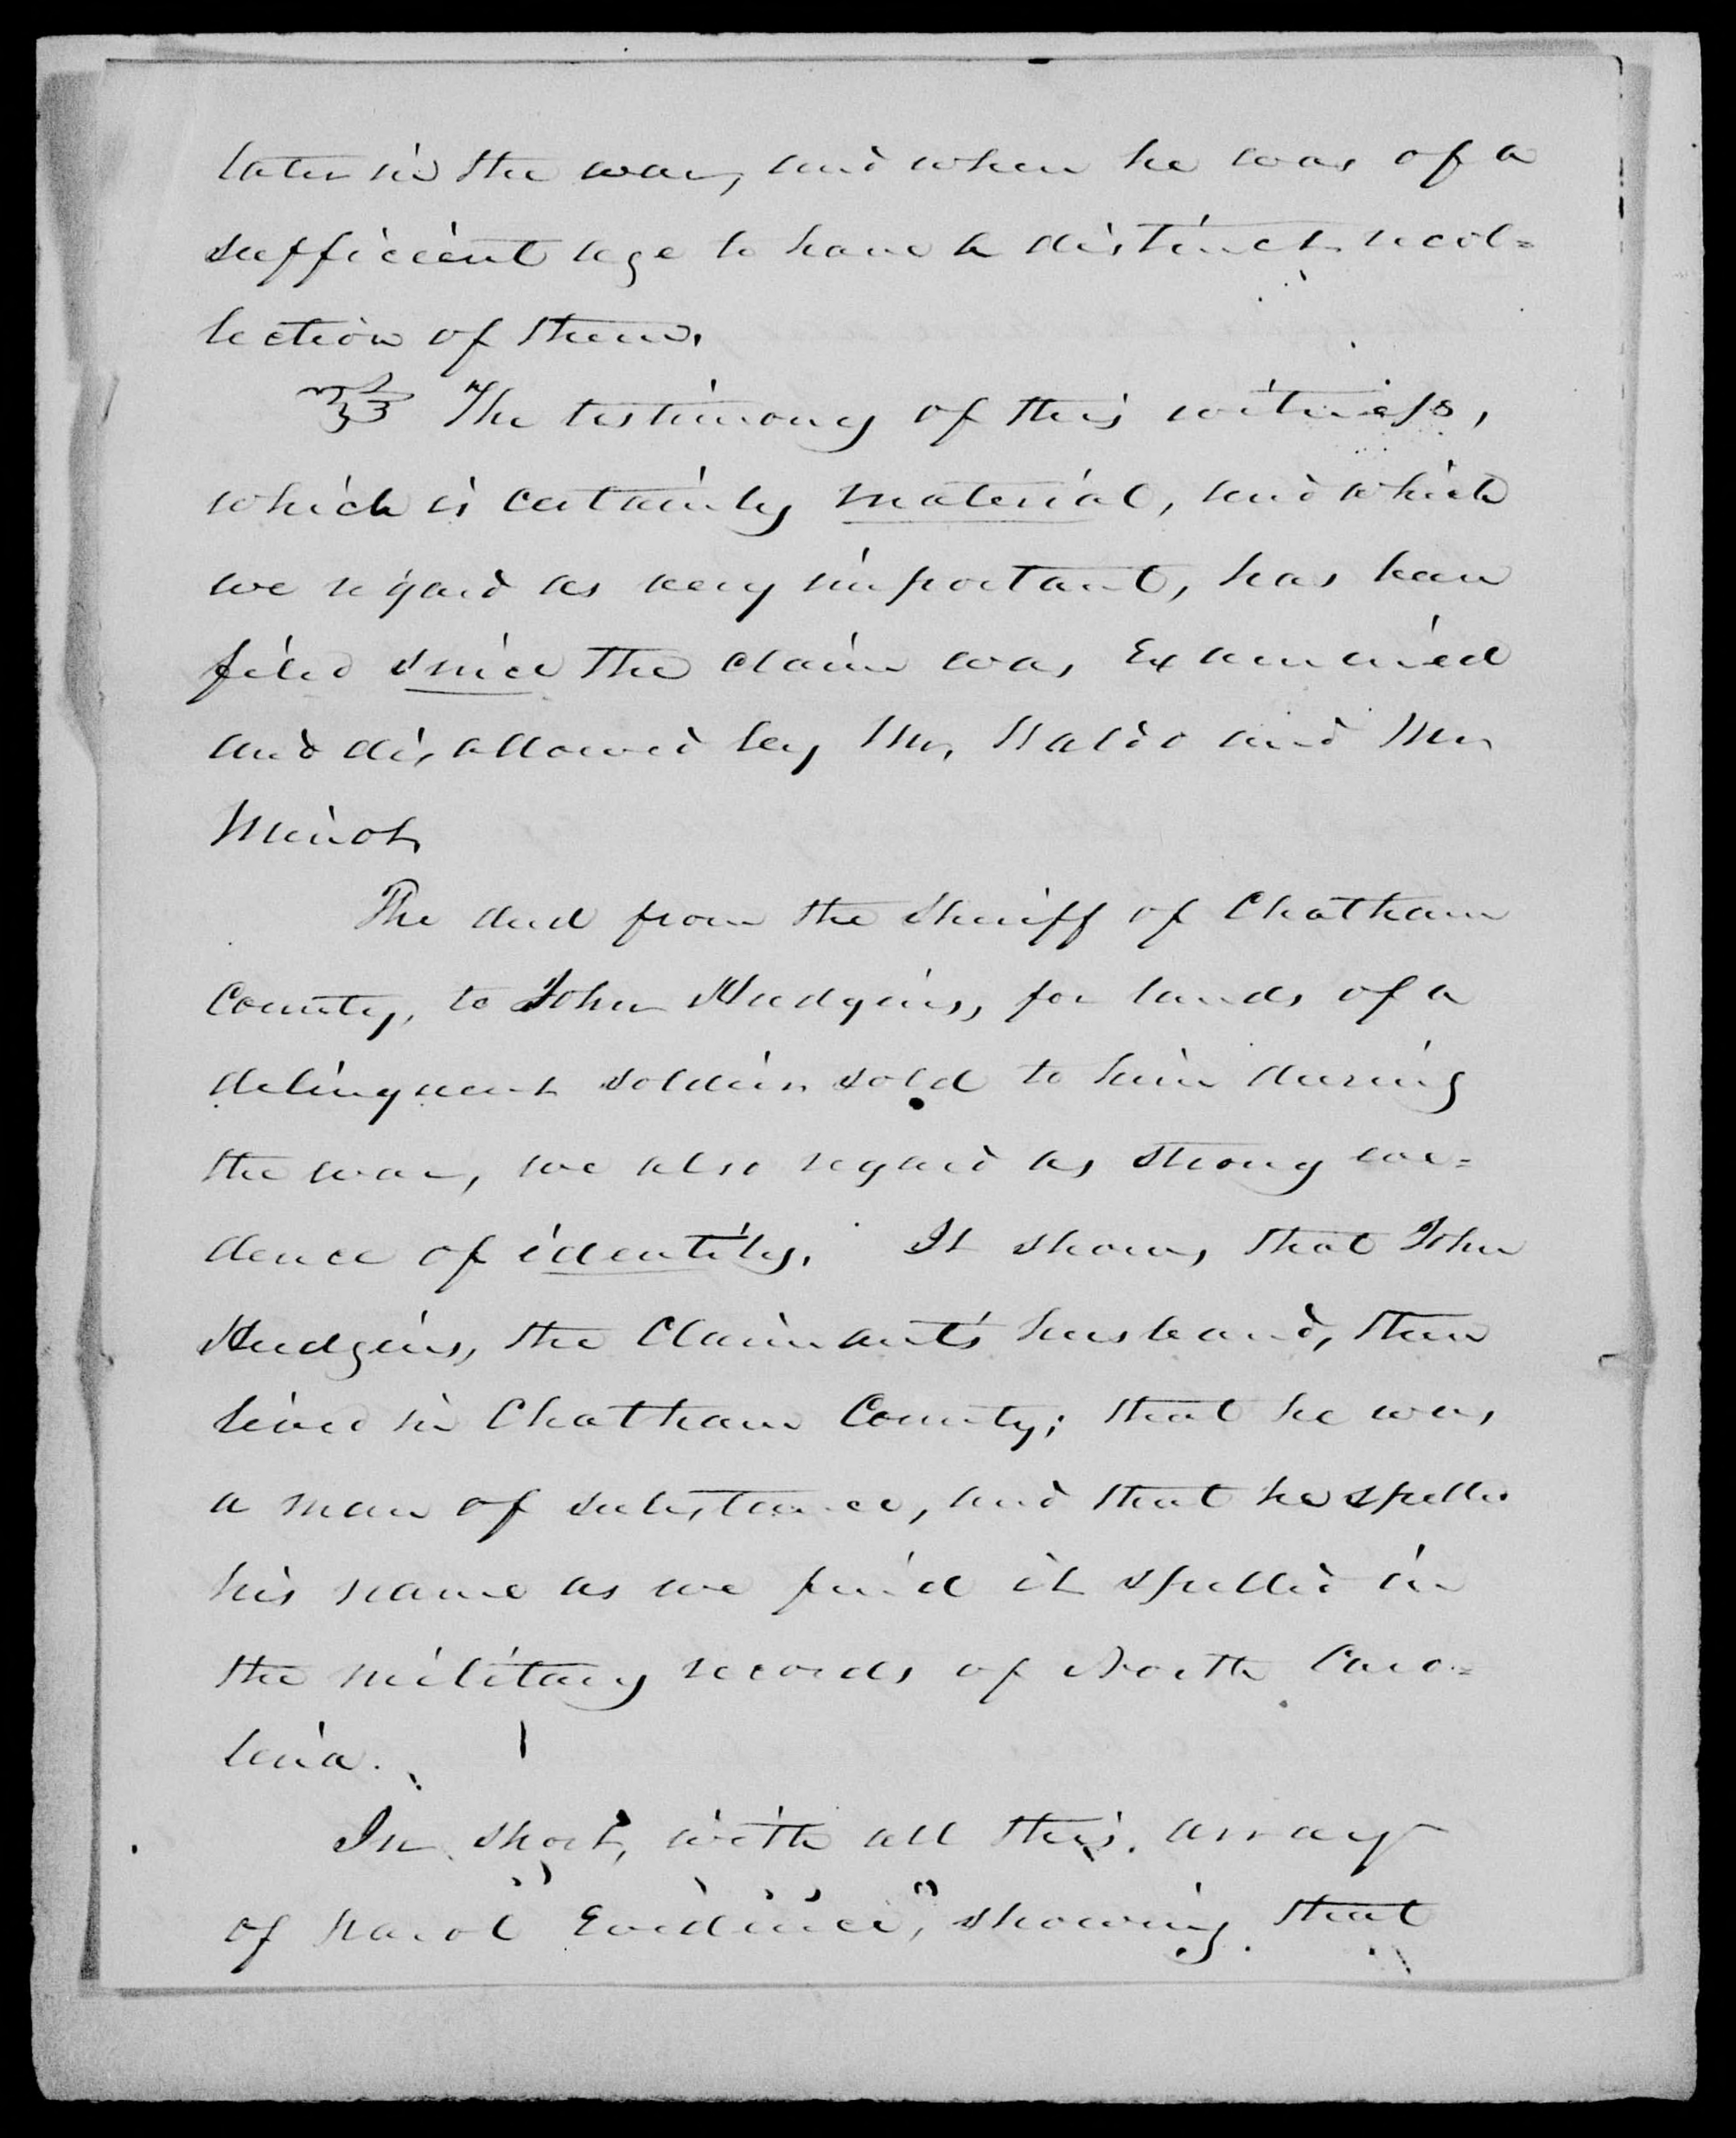Later in the war, and where he was of a sufficient age to have a distinct recollection of them.
     3rd the testimony of this witness, which is certainly material,(underlined) and which we regard as very important, has been filed since (underlined) the claim was examined and disallowed by Mr. Davis and Mr. Minor.
     the deed from the Sheriff of Chatham County,  to John Hudgins for land of a delinquent soldier sold to him during the war, we also regard as strong evidence of identity.(underlined). It shows that John Hudgins, the claimants’ husband , saw service in Chatham County; that he was a man of substance, and that he spelled his name as we find it spelled in the military records of North Carolina.
     In short, with all this array of hard evidence, showing that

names: Waldo, Minot, John Hudgins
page: 95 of 108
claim: rejected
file: R. 7,515, John Hudgins, N.C.